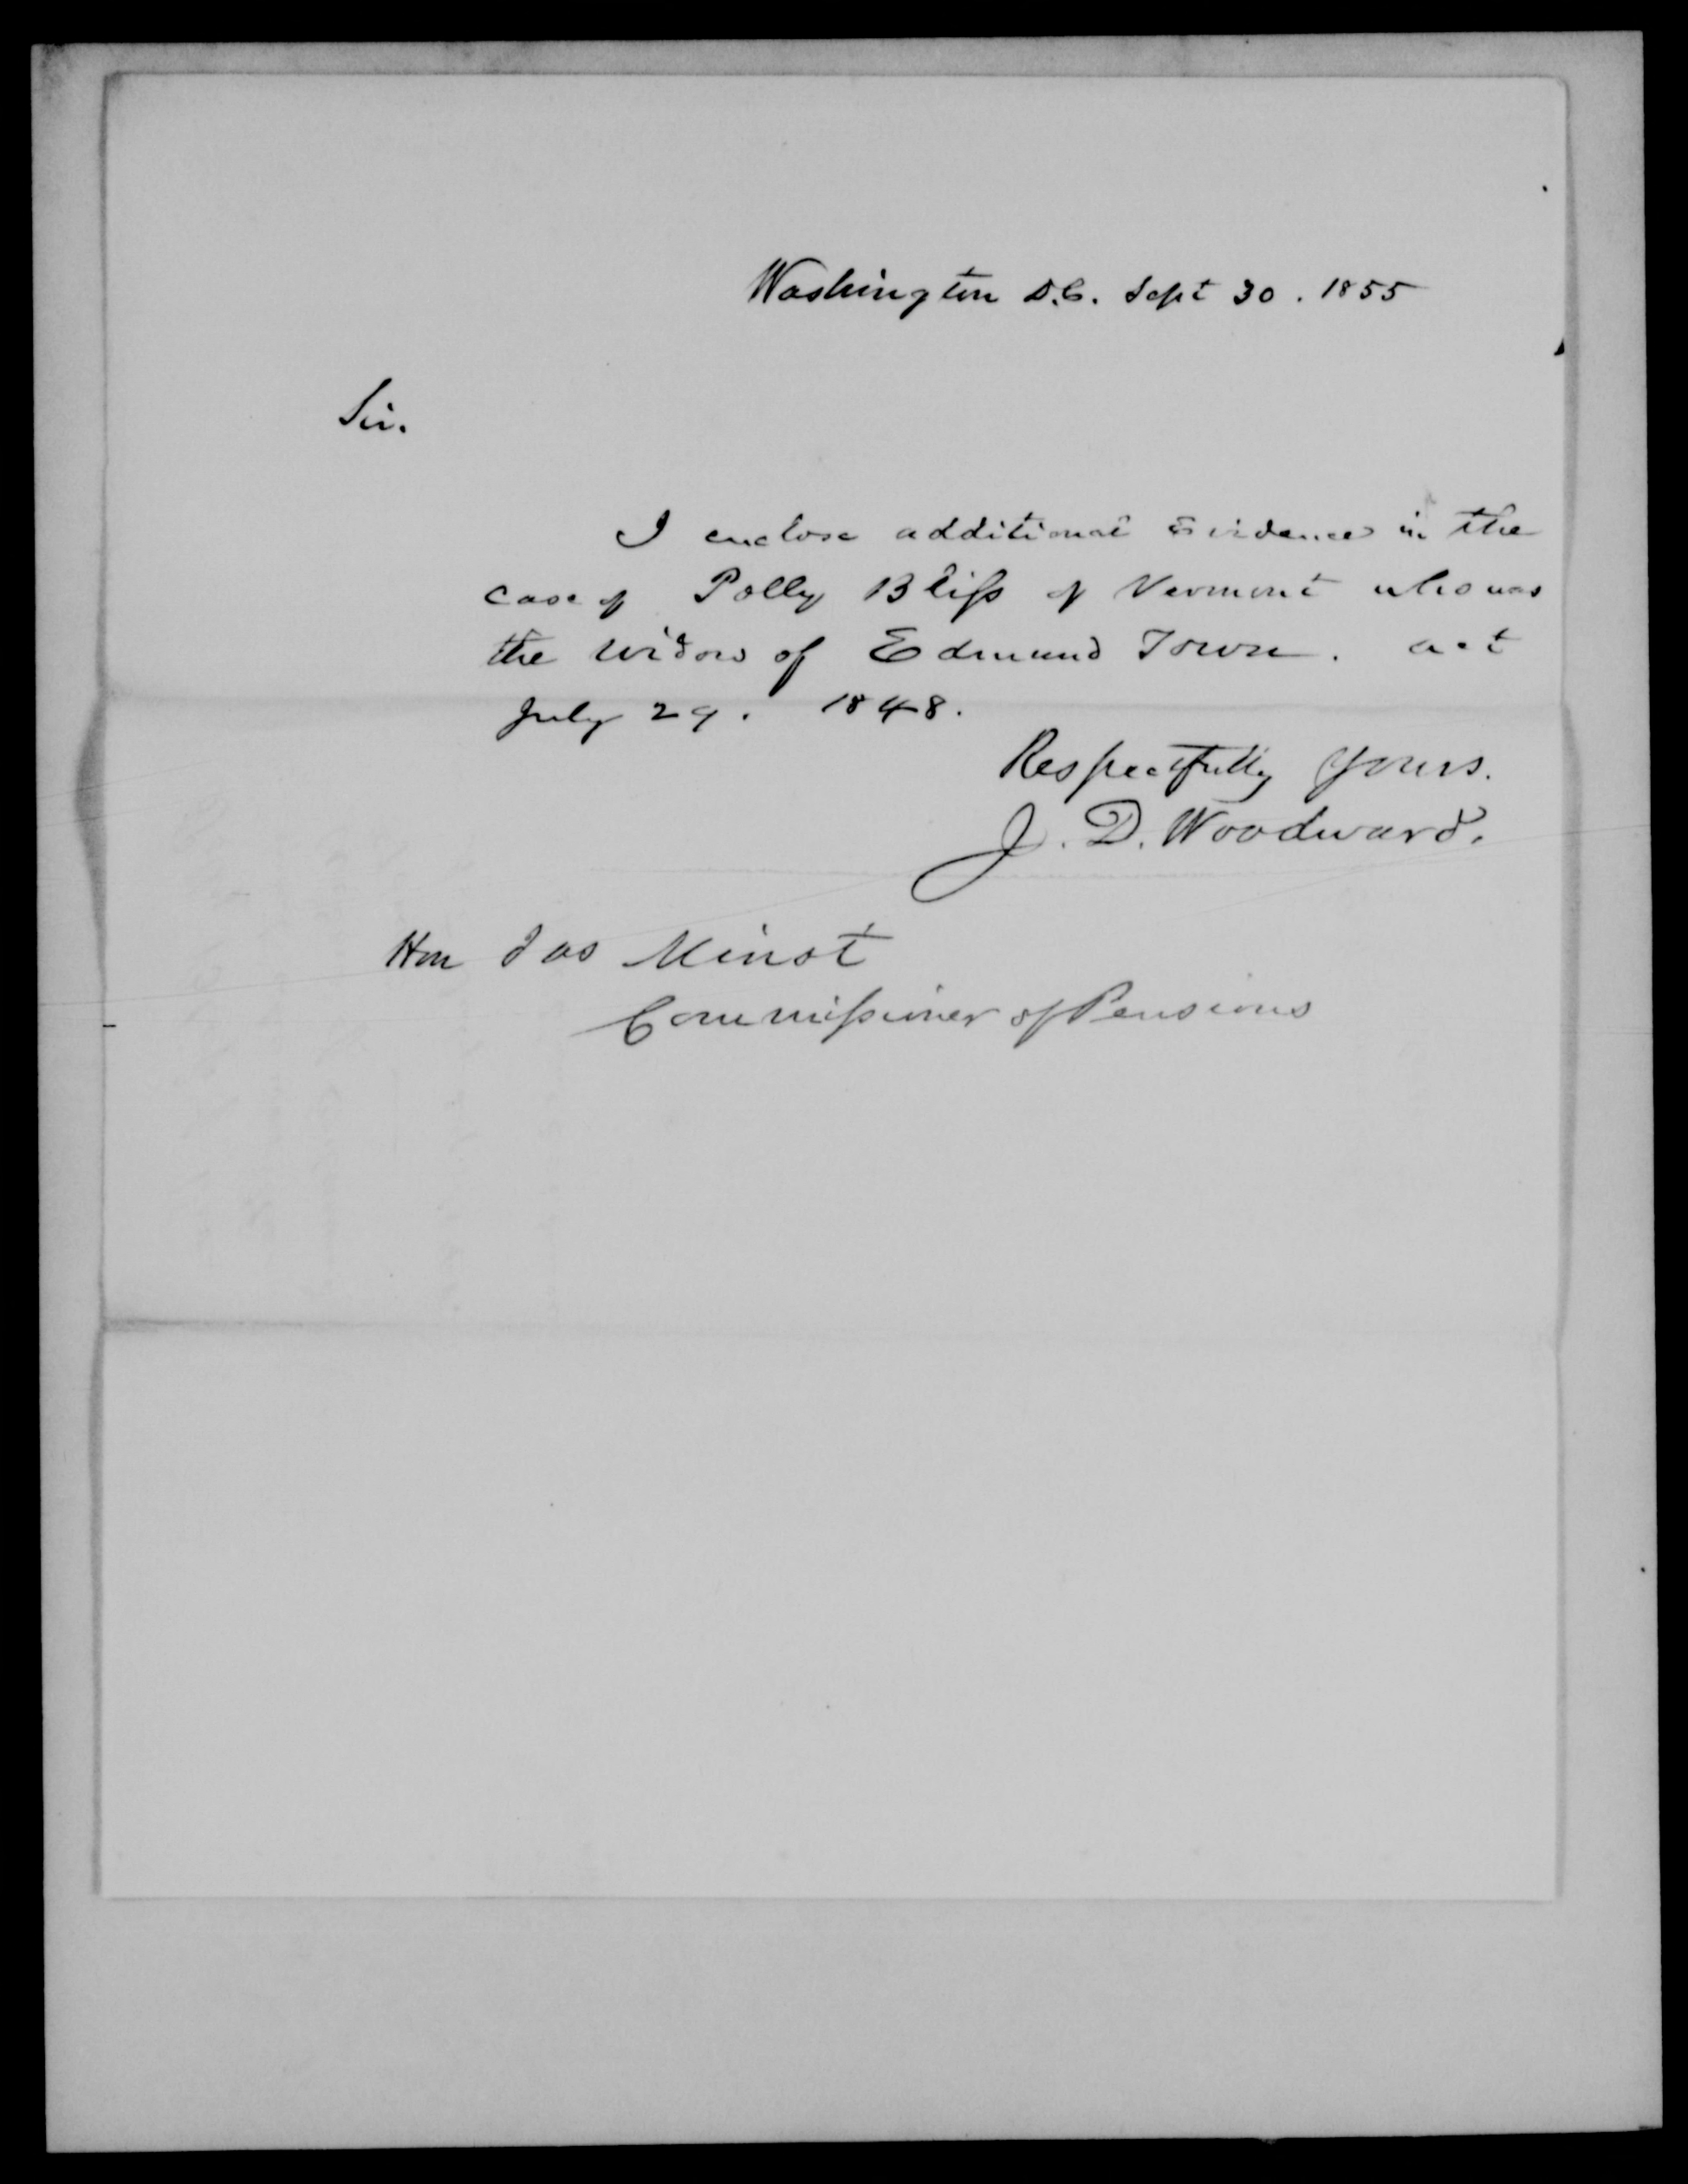Washington D.C. Sept 30 . 1855
Sir,
I enclose additional evidence in the case of Polly Bliss of Vermont who was the widow of Edmund Town. act July 29, 1848.
Respectfully yours,
J. D. Woodward
Hm Jas Minot
Commissioner of Pensions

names: Polly Bliss, Edmund Town, J D Woodward, Jas Minot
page: 43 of 64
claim: widow's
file: W. 5831, Edmund Town, Mass.